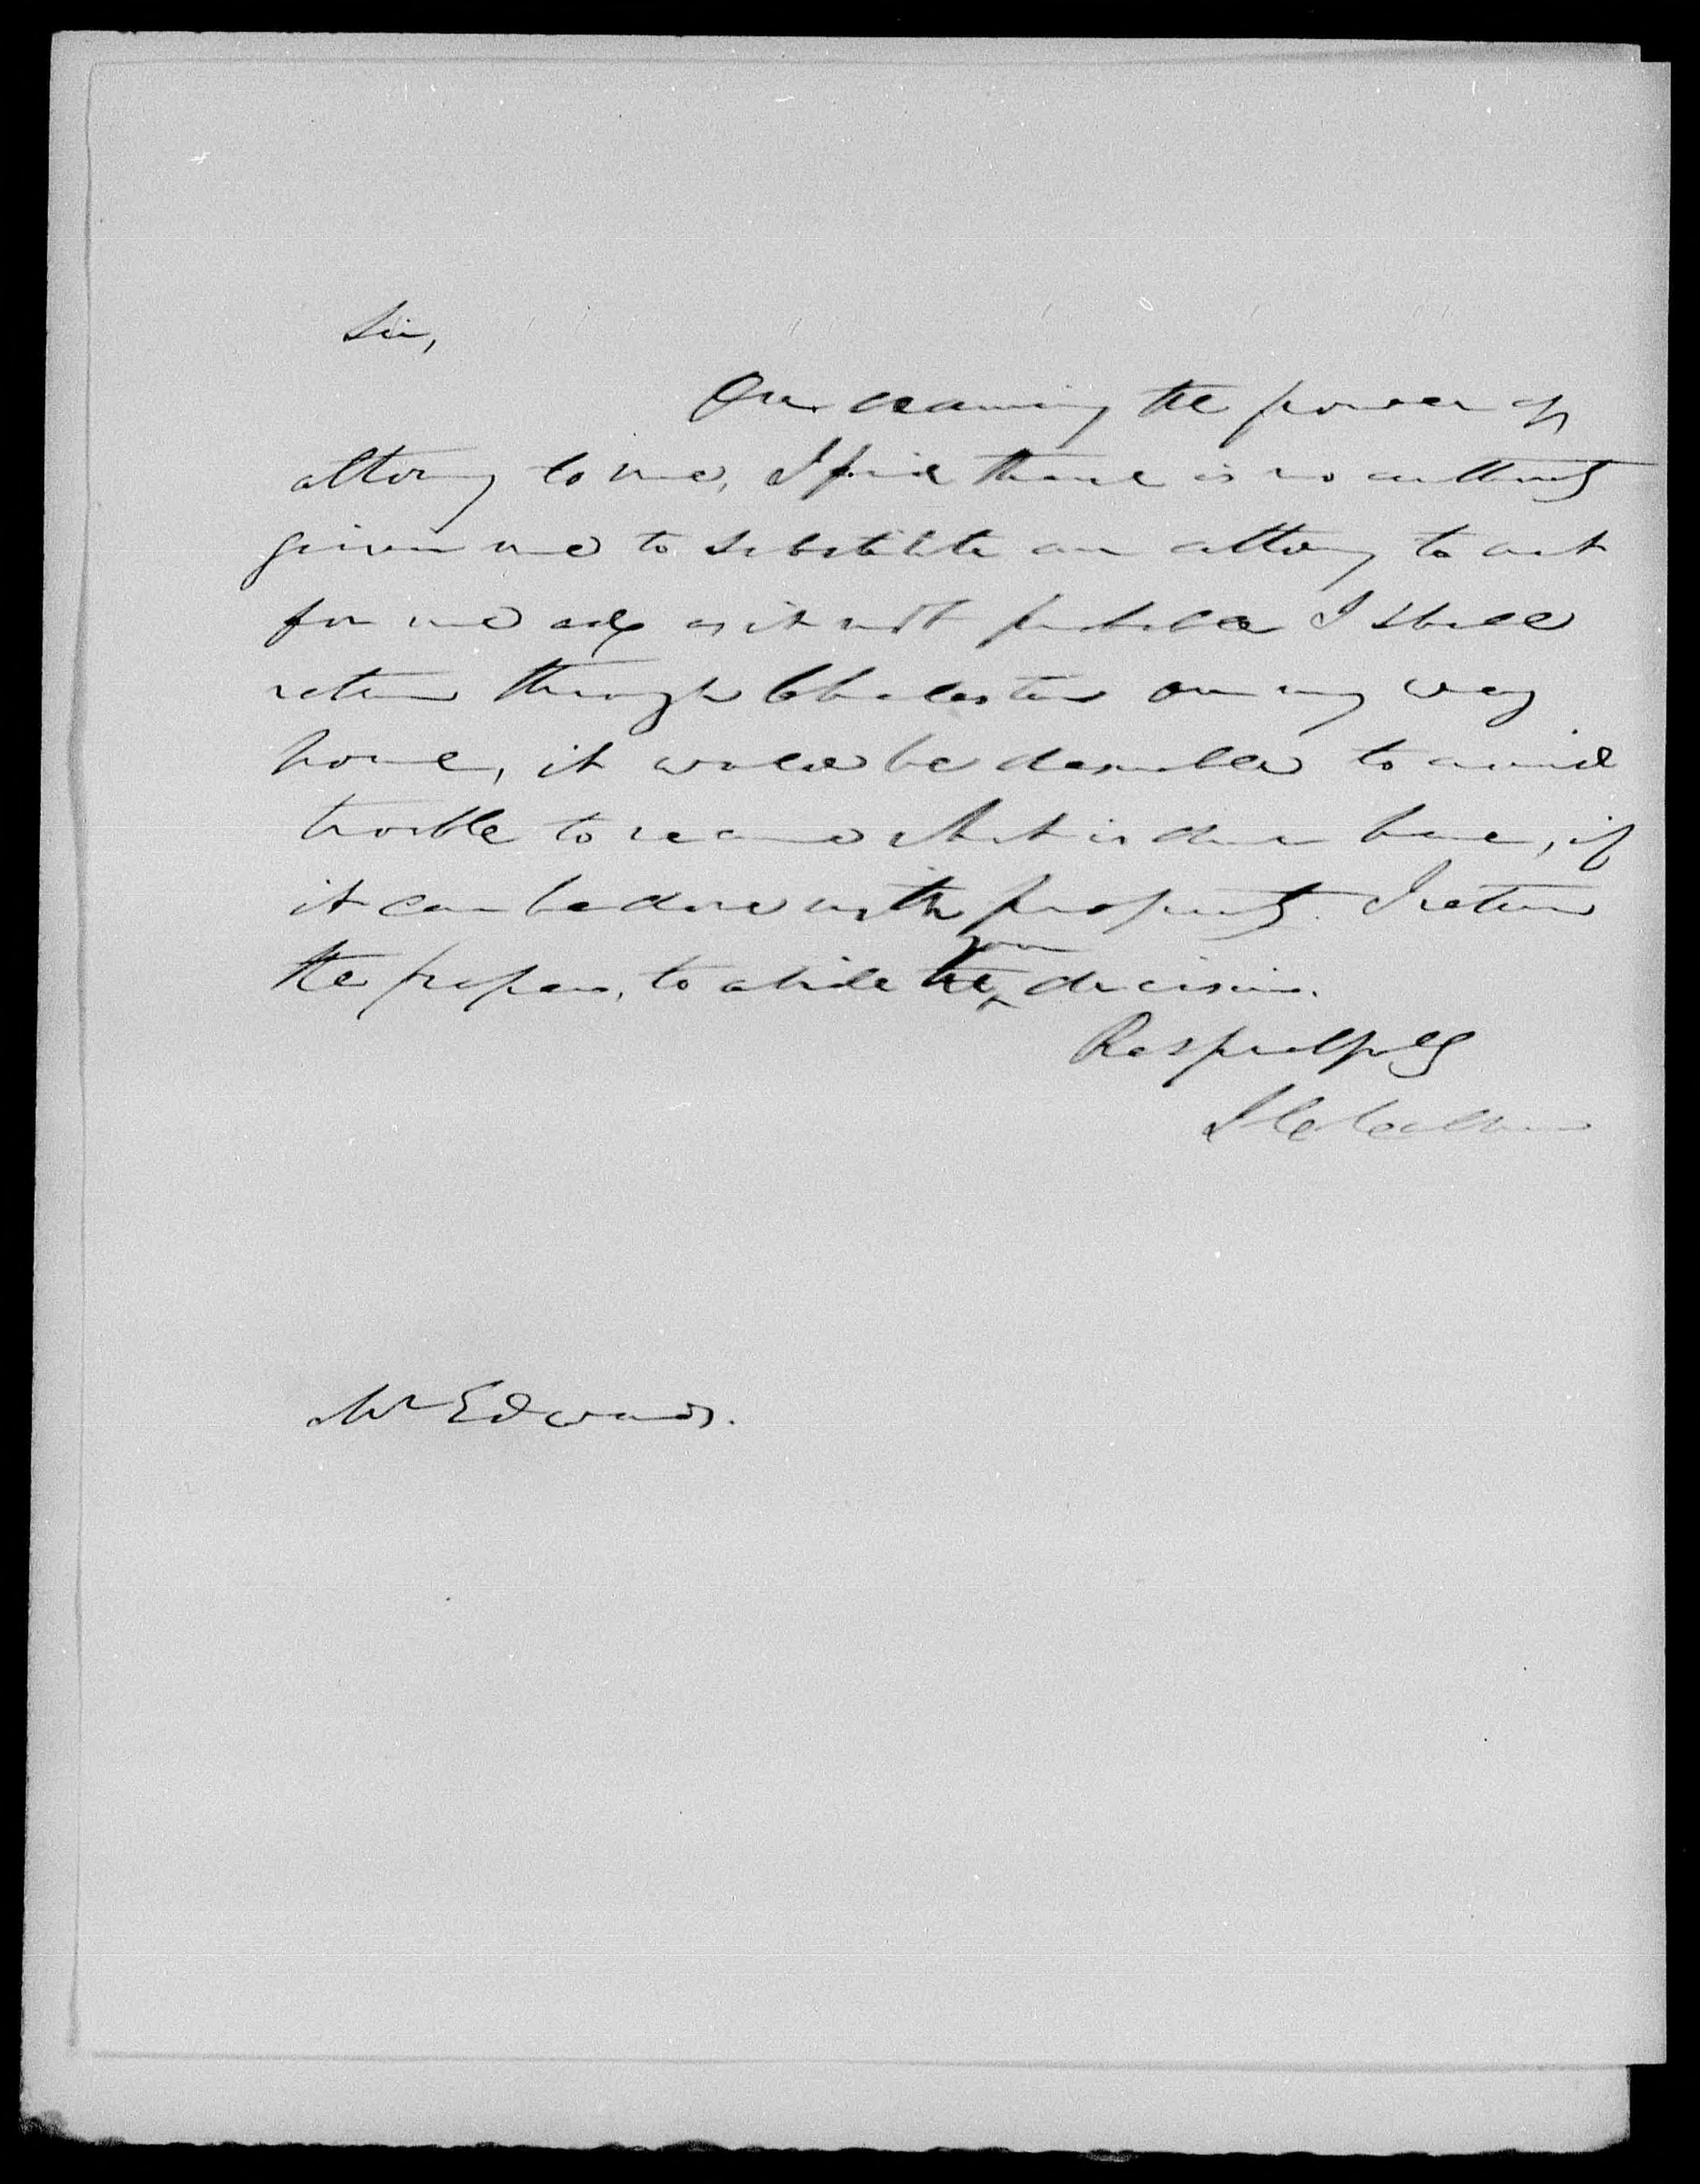Sir, 
On naming the power of attorney to me. I find there is no attorney given me to substitute an attorney to act for me and without debate. I will return through Charleston on my way home. It would be simpler to avoid trouble to demand. but is also because, if it can be done with prospects I return the papers, to abide your decisions.
Respectfully
J C Calhoun

JC Edwards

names: Edwards, J C Calhoun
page: 34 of 55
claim: widow's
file: W. 22864, John Craig, S.C. Born In Iceland